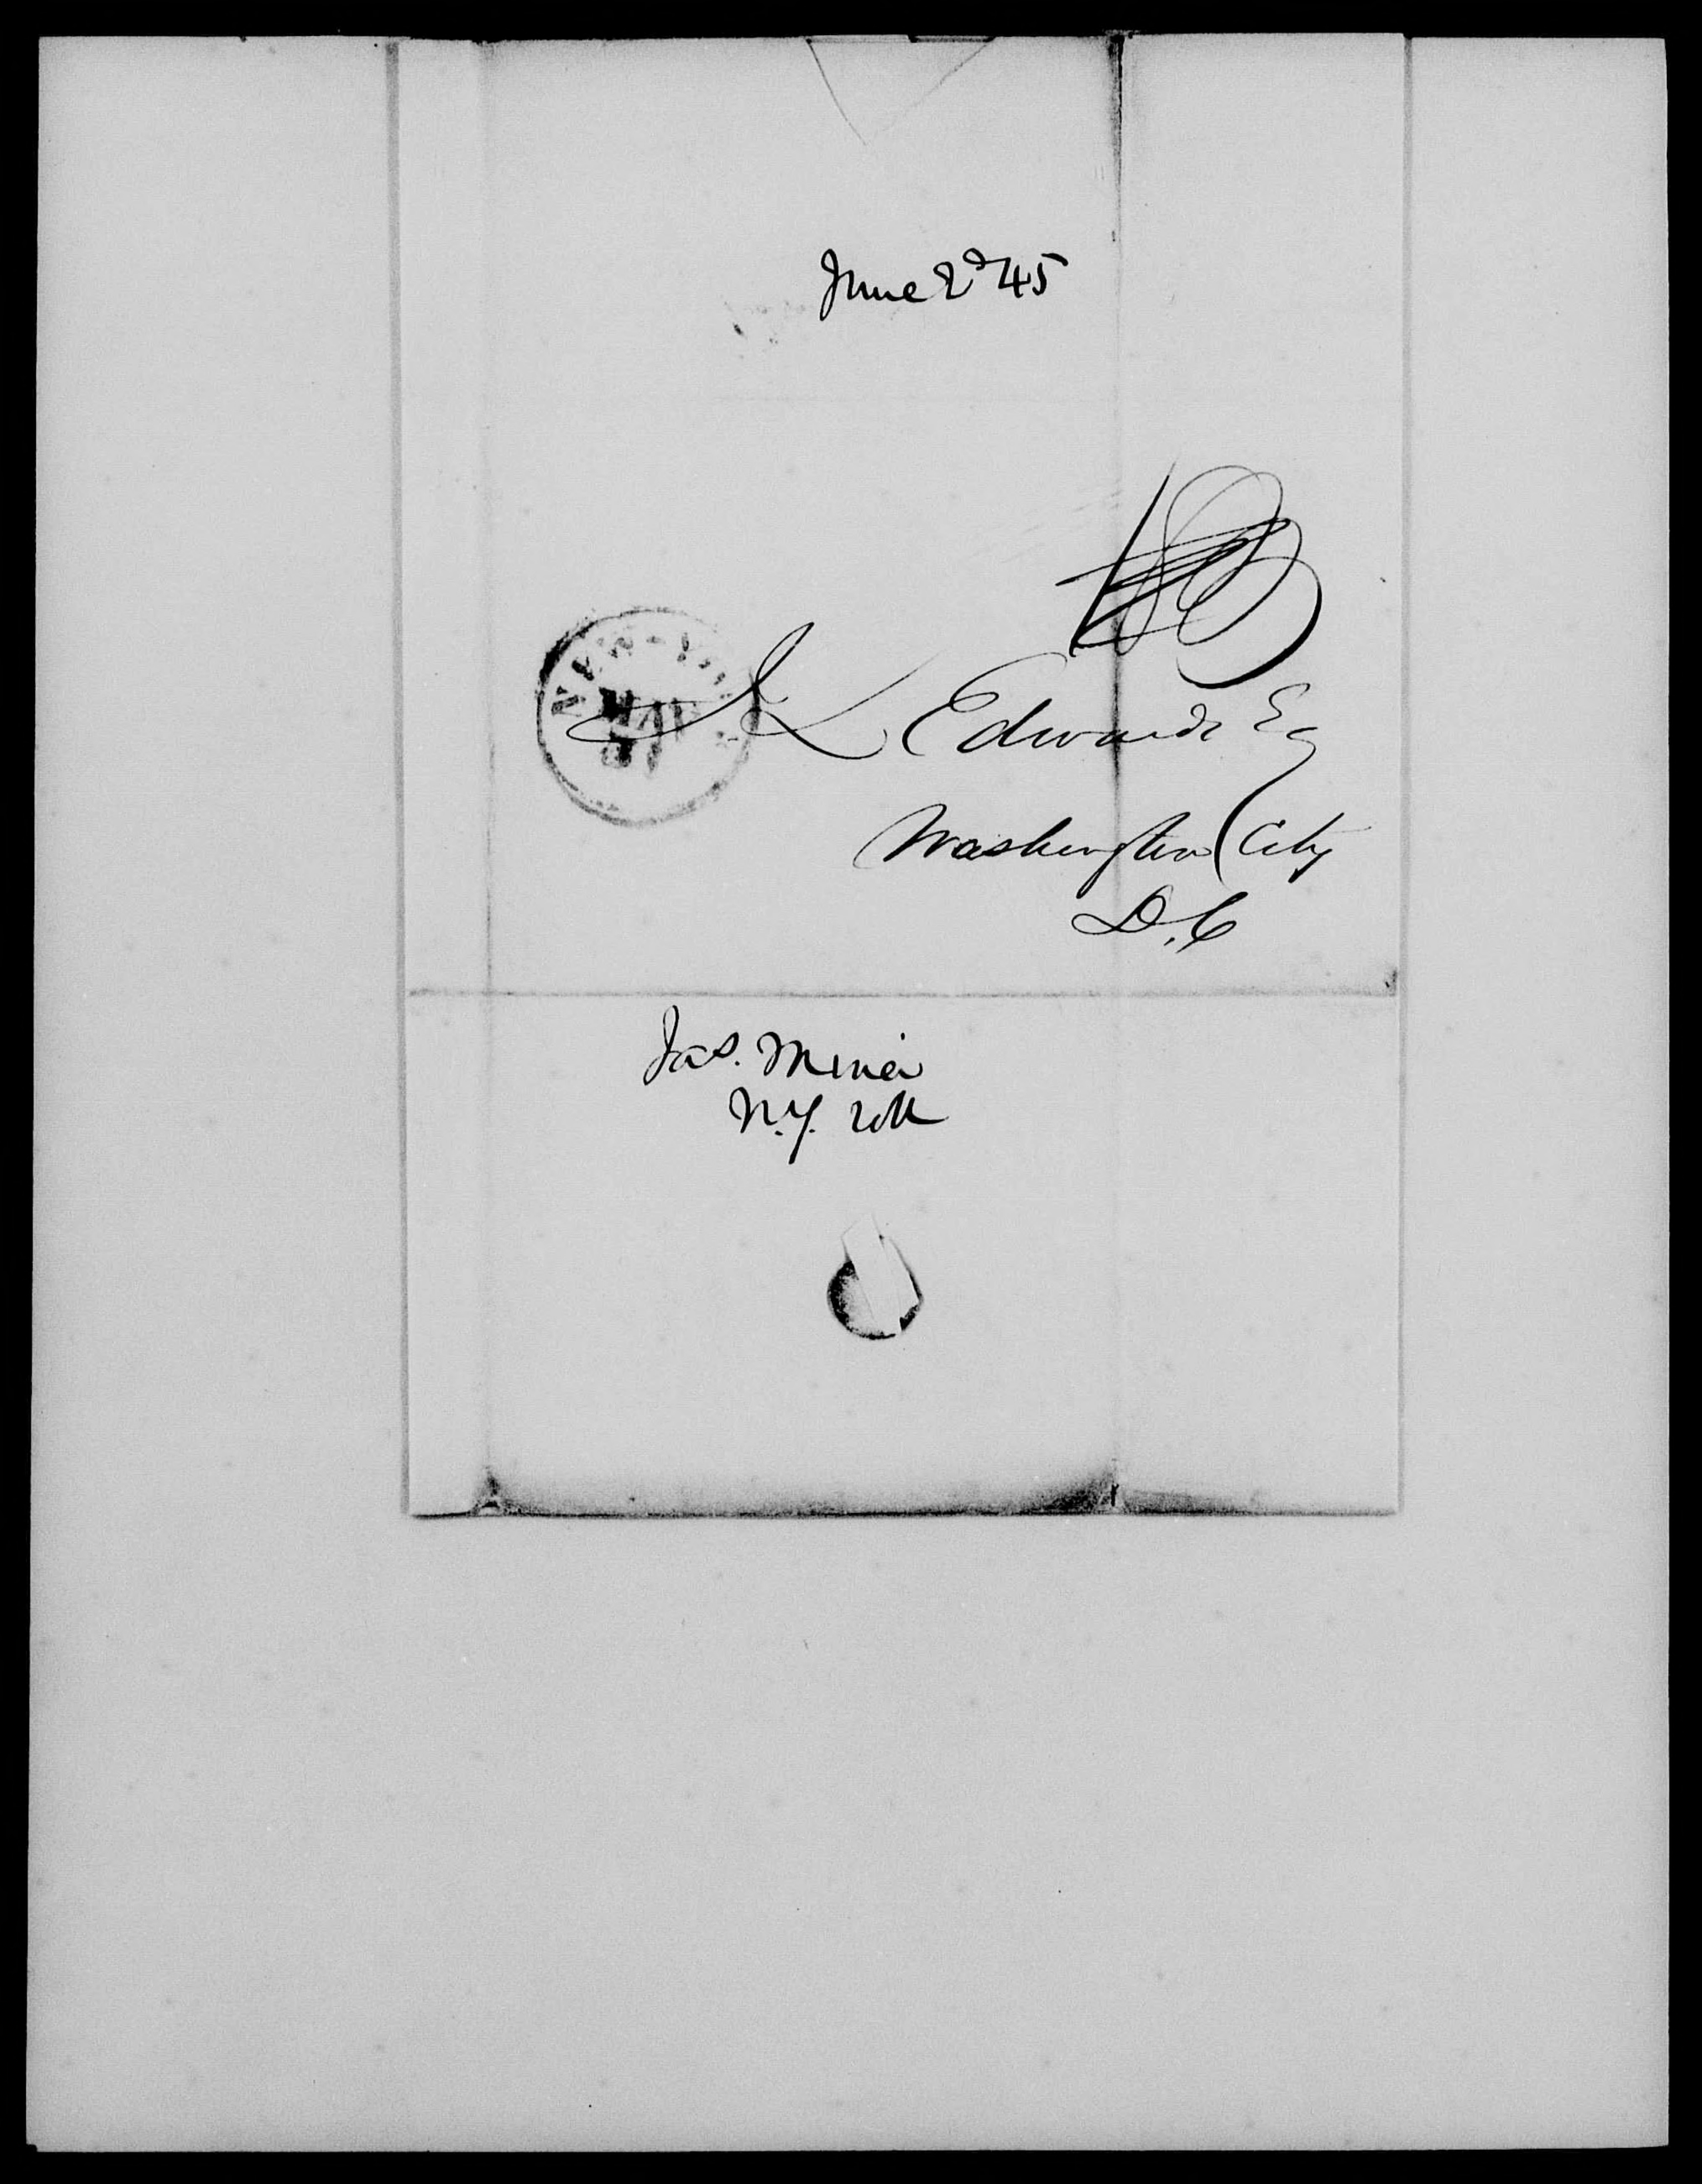June 2d 45 

[stamp New York May 3]

J. L. Edwards Esq  

Washington City 
D.C.

Jos. Miner 
N. York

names: J L Edwards; Jas Miner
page: 23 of 39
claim: survivor's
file: S. 23802, for James Miner, Connecticut